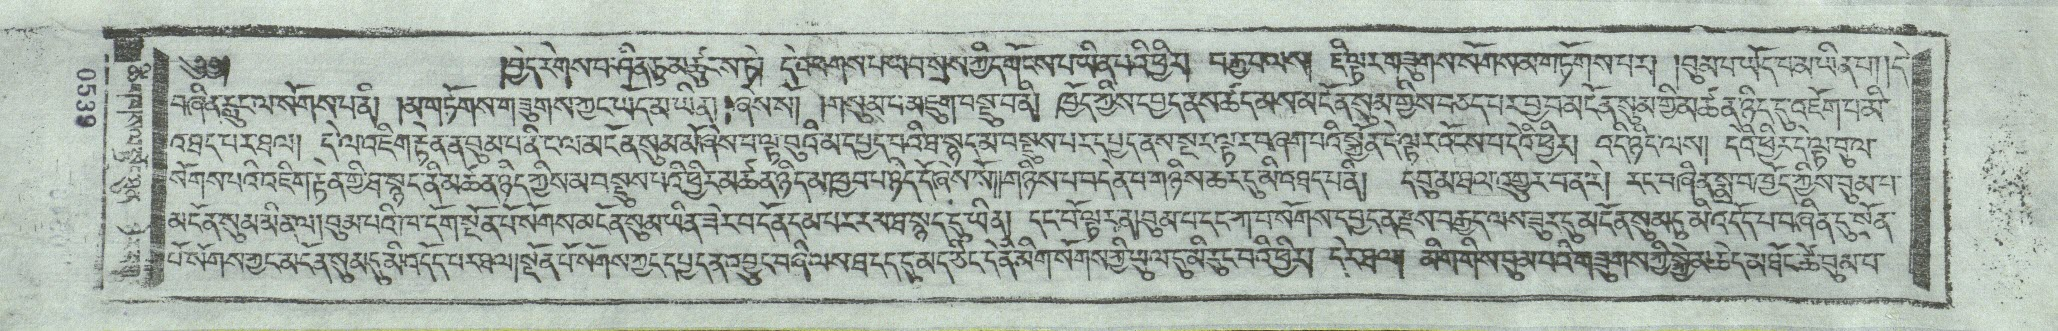༄༅། །བྱེད་རེགས་པ་ཤིན་ཏུ་མཚུངས་ཏེ། དེ་འཕགས་པ་ཡབ་སྲས་ཀྱི་དགོངས་པ་ཡིན་པའི་ཕྱིར། བརྒྱ་པ་ལས། ཇི་ལྟར་གཟུགས་སོགས་མ་གཏོགས་པར། །བུམ་པ་ཡོད་པ་མ་ཡིན་པ། །དེ་
བཞིན་རླུང་ལ་སོགས་པ་ནི། །མ་གཏོགས་གཟུགས་ཀྱང་ཡོད་མ་ཡིན། །ཞེས་སོ། །གསུམ་པ་མཇུག་བསྡུ་བ་ནི། ཁྱོད་ཀྱིས་དཔྱད་ནས་ཚད་མས་མངོན་སུམ་གྱིས་བཅད་པར་བྱ་བ་མངོན་སུམ་གྱི་མཚན་ཉིད་དུ་འཇོག་པ་མི་
འཐད་པར་ཐལ། དེ་ལ་འཇིག་རྟེན་ན་བུམ་པ་ནི་ང་ལ་མངོན་སུམ་མོ་ཞེས་པ་ལྟ་བུའི་མ་དཔྱད་པའི་ཐ་སྙད་མ་བསྡུས་པར་དཔྱད་ནས་སྔར་ལྟར་བཞག་པའི་སྐྱོན་དེ་ལྟར་འོངས་པ་དེའི་ཕྱིར། འདི་ཉིད་ལས། དེའི་ཕྱིར་དེ་ལྟ་བུ་ལ་
སོགས་པའི་འཇིག་རྟེན་གྱི་ཐ་སྙད་ནི་མཚན་ཉིད་ཀྱིས་མ་བསྡུས་པའི་ཕྱིར་མཚན་ཉིད་མ་ཁྱབ་པ་ཉིད་དོ་ཞེས་སོ། །གཉིས་པ་བདེན་པ་གཉིས་ཆར་དུ་མི་འཐད་པ་ནི། དབུ་མ་ཐལ་འགྱུར་བ་ན་རེ། རང་བཞིན་སྨྲ་བ་ཁྱོད་ཀྱིས་བུམ་པ་
མངོན་སུམ་མིན་ལ། བུམ་པའི་ཁ་དོག་སྔོན་པོ་སོགས་མངོན་སུམ་ཡིན་ཟེར་བ་དོན་དམ་པར་རམ་ཐ་སྙད་དུ་ཡིན། དང་པོ་ལྟར་ན། བུམ་པ་དང་ཀ་བ་སོགས་དཔྱད་ན་རྫས་བརྒྱད་ལས་ཟུར་དུ་མངོན་སུམ་དུ་མི་འདོད་པ་བཞིན་དུ་སྔོན་
པོ་སོགས་ཀྱང་མངོན་སུམ་དུ་མི་འདོད་པར་ཐལ། སྔོན་པོ་སོགས་ཀྱང་དཔྱད་ན་འབྱུང་བཞི་ལས་ཐ་དད་དུ་མད་ཅིང་དེ་ནི་མིག་སོགས་ཀྱི་ཡུལ་དུ་མི་རུང་བའི་ཕྱིར། དེར་ཐལ། མིག་གིས་བུམ་པའི་གཟུགས་ཀྱི་སྐྱེ་མཆེད་མཐོང་ཚེ་བུམ་པ་